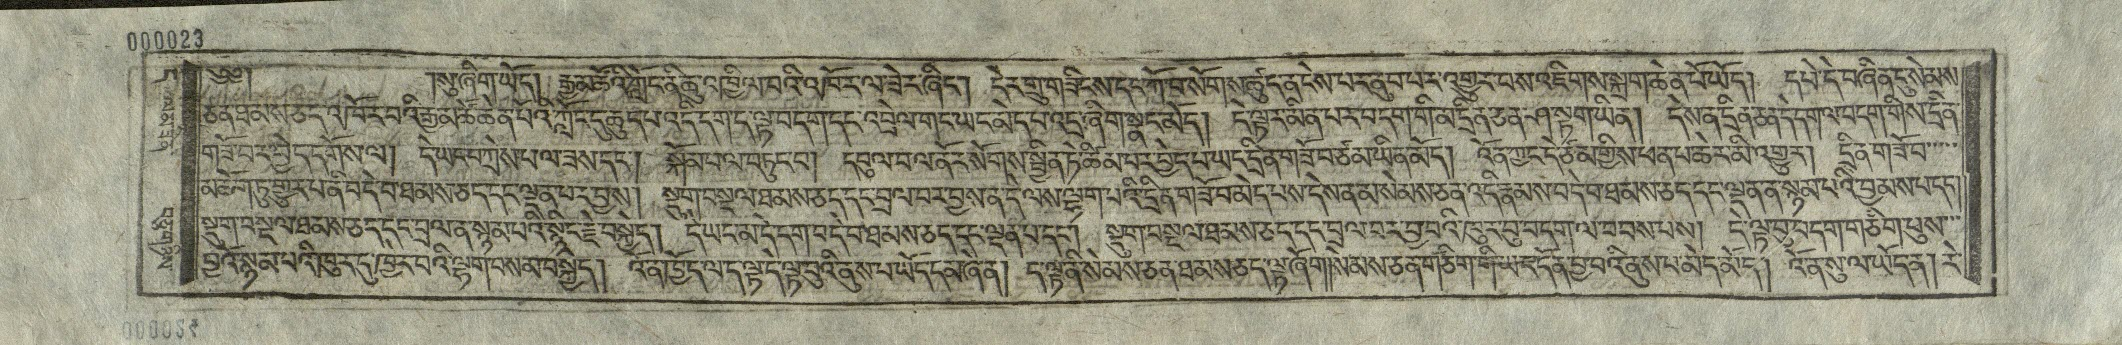༄༅། །སུ་ཞིག་ཡོད། རྒྱ་མཚོའི་ཀློང་ནི་ཆུ་འཁྱིལ་བའི་འཁོར་ལ་ཟེར་ཞིང་། དེར་གྲུ་གཟིངས་དང་ཀོ་བ་སོགས་ཚུད་ན་ངེས་པར་ནུབ་པར་འགྱུར་བས་འཇིགས་སྐྲག་ཆེན་པོ་ཡོད། དཔེ་དེ་བཞིན་དུ་སེམས་
ཅན་ཐམས་ཅད་འཁོར་བའི་རྒྱ་མཚོ་ཆེན་པོའི་ཀློང་དུ་ཆུད་པ་འདི་དག་ད་ལྟ་བདག་དང་འབྲེལ་གང་ཡང་མེད་པ་འདྲ་ཞིག་སྣང་མོད། དེ་ལྟར་མིན་པར་བདག་གི་མ་དྲིན་ཅན་ཤ་སྟག་ཡིན། དེས་ན་དྲིན་ཅན་དེ་དག་ལ་བདག་གིས་དྲིན་
གཟོ་བར་བྱེད་དགོས་ལ། དེ་ཡང་བཀྲེས་པ་ལ་ཟས་དང་། སྐོམ་པ་ལ་བཏུང་བ། དབུལ་བ་ལ་ནོར་སོགས་སྦྱིན་ཏེ་ཚིམ་པར་བྱེད་པ་ཡང་དྲིན་གཟོ་བ་ཙམ་ཡིན་མོད། འོན་ཀྱང་དེ་ཙམ་གྱིས་ཕན་པ་ཆེར་མི་འགྱུར། དྲིན་གཟོ་བ་
མཆོག་ཏུ་གྱུར་པ་ནི་བདེ་བ་ཐམས་ཅད་དང་ལྡན་པར་བྱས། སྡུག་བསྔལ་ཐམས་ཅད་དང་བྲལ་བར་བྱས་ན་དེ་ལས་ལྷག་པའི་དྲིན་གཟོ་བ་མེད་པས་དེས་ན་མ་སེམས་ཅན་འདི་རྣམས་བདེ་བ་ཐམས་ཅད་དང་ལྡན་ན་སྙམ་པའི་བྱམས་པ་དང་།
སྡུག་བསྔལ་ཐམས་ཅད་དང་བྲལ་ན་སྙམ་པའི་སྙིང་རྗེ་བསྐྱེད། དེ་ཡང་མ་དེ་དག་བདེ་བ་ཐམས་ཅད་དང་ལྡན་པ་དང་། སྡུག་བསྔལ་ཐམས་ཅད་དང་བྲལ་བར་བྱ་བའི་ཁུར་བུ་བདག་ལ་བབས་པས། དེ་ལྟ་བུ་བདག་གཅིག་པུས་
བྱའོ་སྙམ་པའི་ཁུར་དུ་ཁྱེར་བའི་ལྷག་བསམ་བསྐྱེད། འོ་ན་ཁྱོད་ལ་ད་ལྟ་དེ་ལྟ་བུའི་ནུས་པ་ཡོད་དམ་ཞེ་ན། ད་ལྟ་ནི་སེམས་ཅན་ཐམས་ཅད་ལྟ་ཞོག །སེམས་ཅན་གཅིག་གི་ཡང་དོན་བྱ་བའི་ནུས་པ་མེད་མོད། འོ་ན་སུ་ལ་ཡོད་ན། རེ་